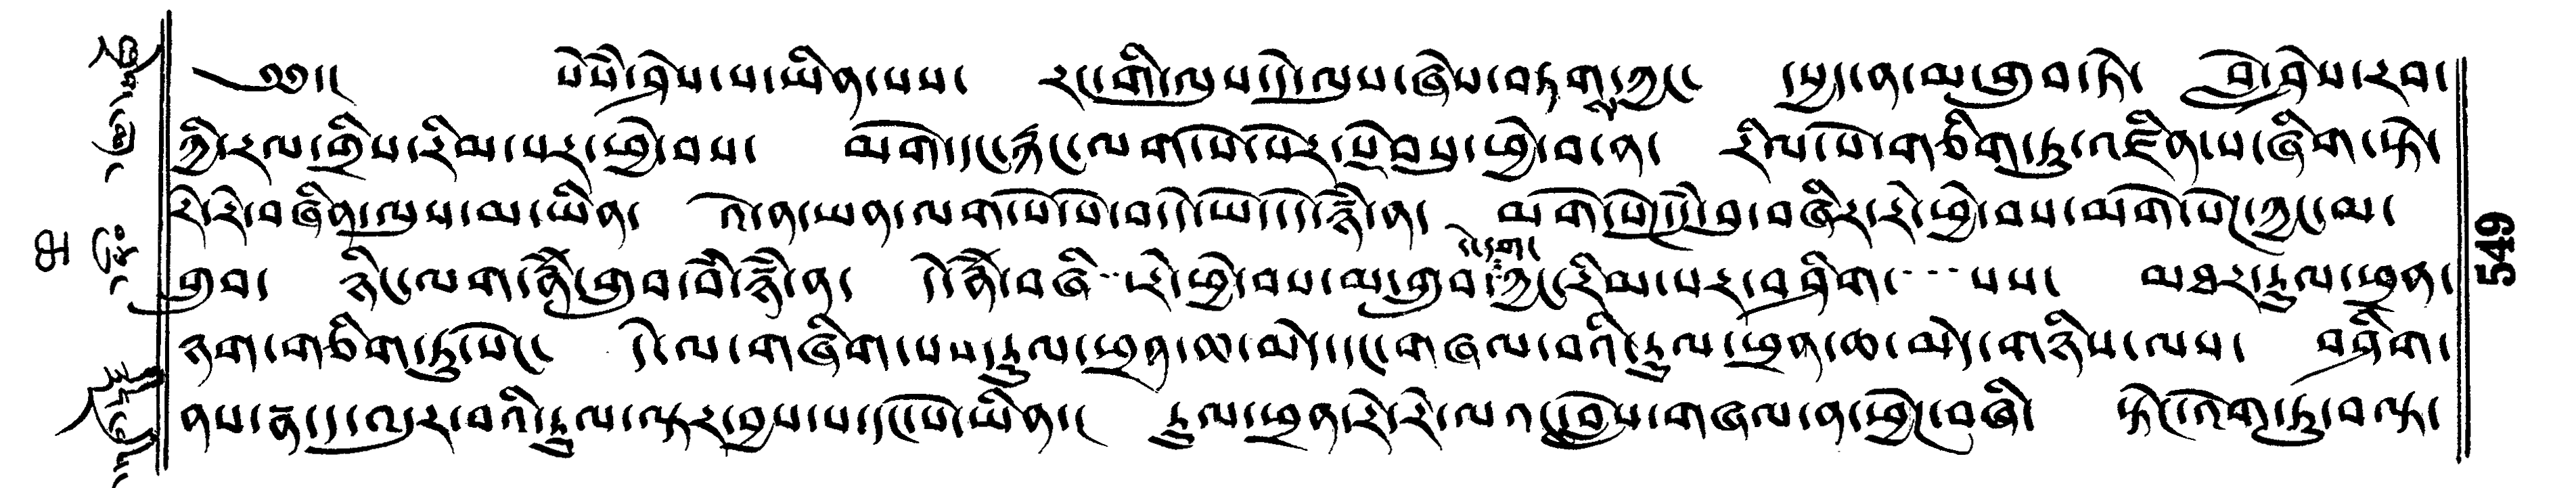སེམས་ཤེས་པ་ཡིན་པས། རང་གི་ལུས་དེར་ལུས་ཞེས་བཏགས་ཀྱང་། དཔྱད་ན་མ་གྲུབ་ཏེ། བློ་ཤེས་རབ་
ཀྱི་རལ་གྲིས་རིམ་པར་ཕྱེ་བས། མགོ་དང་རྐང་ལག་སོ་སོར་སྡེས་ཕྱེ་བ་ན། རིལ་པོ་གཅིག་ཏུ་འཛིན་པ་ཞིག་སྟེ་
རེ་རེ་བཞིན་ལུས་མ་ཡིན། འོ་ན་ཡན་ལག་སོ་སོ་བ་དེ་ཡོད་དོ་སྙམ་ན། མགོ་སོགས་དུམ་བུ་བཞི་རེར་ཕྱེ་བས་མགོ་སོགས་ཀྱང་མ་
གྲུབ། ཉིང་ལག་རྣམས་གྲུབ་བམ་སྙམ་ན། དེ་རྣམས་བཞི་རེར་ཕྱེ་བས་མ་གྲུབ། དེ་དག་ཀྱང་རིམ་པར་བཤིག་པས། མཐར་རྡུལ་ཕྲན་
ཉག་གཅིག་ཏུ་སོང་། དེ་ལ་ཞིག་པའི་རྡུལ་ཕྲན་ཆ་མེད་དང་། གཞལ་བའི་རྡུལ་ཕྲན་ཆ་མེད་གཉིས་ལས། བཤིག་
ནས་སྣ་ཐ་བཏུལ་བའི་རྡུལ་ལྟར་བྱས་པ་དང་པོ་ཡིན། རྡུལ་ཕྲན་རེ་རེ་ལའང་བློས་གཞལ་ན་ཕྱོགས་བཞི་སྟེང་འོག་ཏུ་བལྟས་